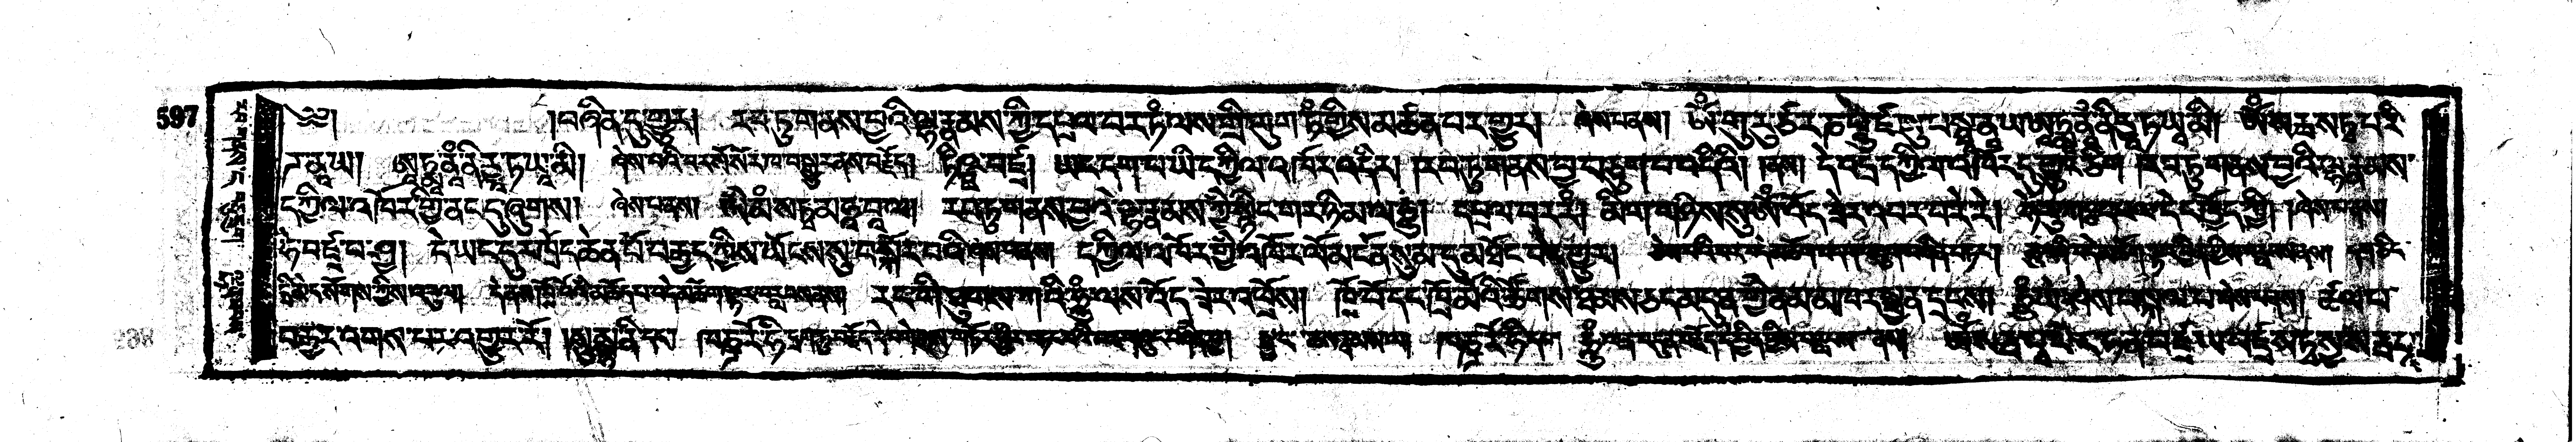༄༅། །བཞིན་དུ་གྱུར། རབ་ཏུ་གནས་བྱའི་ལྷ་རྣམས་ཀྱི་དཔྲལ་བར་ཏཾ་ལས་གྲི་གུག་ཏཾ་གྱི་སྀ་མཚན་པར་གྱུར། ཞེས་པ་ནས།  ཨོཾ་གུ་རུ་ཙ་ར་ཎ་པཱུ་ཛ་ཨུ་པསྠཱ་ནཱ་ཡ་ཨཱཏྨ་ནཱི་ནི་རྱཱ་ཏ་ཡཱ་མི། ཨོཾ་སརྦ་སཏྭ་པ་རི་
ཌ་ནཱ་ཡ། ཨཱཏྨཱ་ནཱཾ་ནི་རྱཱ་ཏ་ཡཱ་མི། ཞེས་པའི་བར་སོ་སོར་ཁ་བསྒྱུར་ནས་བརྗོད།  ཏིཥཊཿཨ་བཛྲ། ཡང་དག་པ་ཡི་དཀྱིལ་འཁོར་འདིར། །རབ་ཏུ་གནས་བྱ་བཅུག་པ་འདིའི། །ནས།  དེ་འདྲ་དཀྱིལ་འཁོར་དུ་གྱུར་ཅིག །རབ་ཏུ་གནས་བྱའི་ལྷ་རྣམས་
དཀྱིལ་འཁོར་གྱི་ནང་དུ་ཞུགས། ཞེས་པ་ནས།  ཨི་མཾས་ཏྭ་མཧཱ་བཱ་ལ། རབ་ཏུ་གནས་བྱའི་ལྷ་རྣམས་ཀྱི་སྙིང་གར་ཉི་མ་ལ་ཧཱུཾ། དཔྲལ་བར་རཾ། མིག་གཉིས་སུ་ཨོཾ་འོད་ཟེར་འབར་བ་རེ་རེ། ཧེ་རུ་ཀཿདཔལ་དེང་ཁྱོད་ཀྱི། །ཞེས་པ་ནས།
ཧེ་བཛྲ་པ་ཤྱ། དེ་ཡང་དུར་ཁྲོད་ཆེན་པོ་བརྒྱད་ཀྱིས་ཡོངས་སུ་བསྐོར་བའི་ཞེས་པ་ནས།  དཀྱིལ་འཁོར་གྱི་འཁོར་ལོ་མངོན་སུམ་དུ་མཐོང་བར་གྱུར། ཅེས་པའི་བར་བདེ་མཆོག་བདག་འཇུག་བཞིན་བཏང་། ཆུ་བཞི་བདེ་མཆོག་ལྟར་བྱིན་གྱིས་བརླབས་ནས། དག་ཅིང་
དྲི་མེད་སོགས་ཀྱིས་འབུལ། དེ་ནས་ཁྲོ་བོའི་མཆོད་པ་བདེ་མཆོག་ལྟར་བརླབས་ནས། རང་གི་ཐུགས་ཀའི་ཧཱུཾ་ལས་འོད་ཟེར་འཕྲོས། ཁྲོ་བོ་དང་ཁྲོ་མོའི་ཚོགས་ཐམས་ཅད་མདུན་གྱི་ནམ་མཁར་སྤྱན་དྲངས། ཧཱུཾ་ཡེ་ཤེས་བསྐལ་པ་ཞེས་པ་ནས།  ཚལ་པ་
བརྒྱར་འགས་པར་འགྱུར་རོ། །སུམྦྷ་ནི་དང་། ཁྞྜ་རོ་ཧི་དྲག་ཏུ་བརྗོད་དེ་བགེགས་གཏོར་ཕྱིར་བཏང་བའི་བར་གཞུང་བཞིན་བྱ། སྤྱང་ཆས་རྣམས་ལ།  ཁཎྜ་རོ་ཧི་དང་། ཧཱུཾ་ལན་བདུན་བརྗོད་དེ་བྱིན་གྱིས་བརླབས་་་ནས།  ཨོཾ་སརྦ་པཱ་པཾ་ད་ཧ་ན་བཛྲ་ཡ་བཛྲ་སཏྭ་སྱ་སརྦ་པཱ་